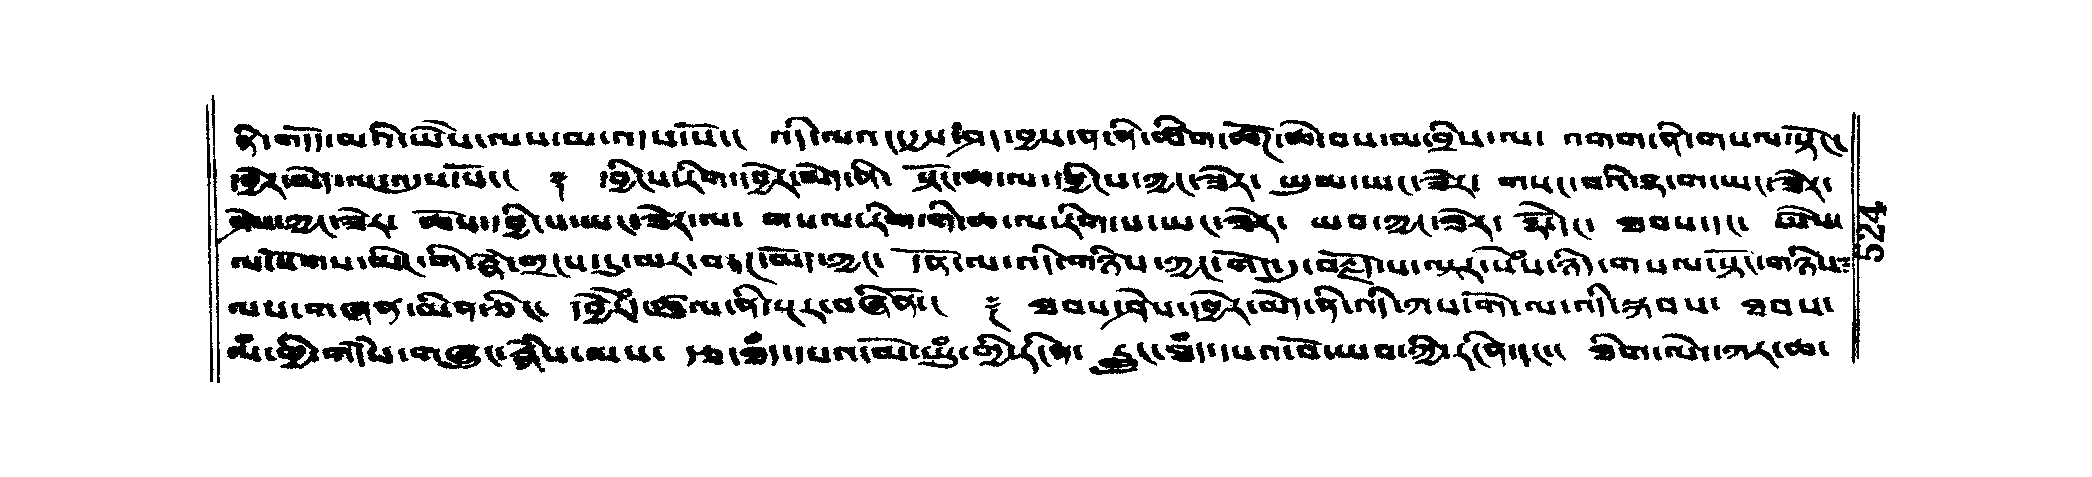ནི་གདོད་མའི་ཡེ་ཤེས་ལས་མ་འདས་སོ། འདི་ལའང་རྒྱས་བཤད་བྱས་ན་ནི་ཚིག་ཚོགས་ཆེ་བས་མ་བྲིས་ལ། འགག་ནི་གསལ་སྟོང་
དབྱེར་མེད་ལ་འདུས་སོ། ༈ དབྱིངས་རིག་དབྱེར་མེད་ནི། སྟོང་ཆ་ལ་དབྱིངས་ཀྱང་ཟེར། ཡུམ་ཡང་ཟེར། གསང་བའི་བྷ་ག་ཡང་ཟེར། 
ཤེས་རབས་ཀྱང་ཟེར། ཆོས་དབྱིངས་ཡང་ཟེར་ལ། གསལ་རིག་གི་ཆ་ལ་རིག་པ་ཡང་ཟེར། ཡབ་ཀྱང་ཟེར། རྡོ་རྗེ་དང་། ཐབས་དང་། ཡེ་ཤེས་
ལ་སོགས་མིང་གི་རྣམ་གྲངས་དུ་མར་བཏགས་མོད་ཀྱང་། དོན་ལ་འདི་གཉིས་ཀྱང་གོང་དུ་བརྗོད་པ་ལྟར་སེམས་ཉིད་གསལ་སྟོང་གཉིས་
ལས་གཞན་མིན་ཅིང་། དབྱེར་མེད་ཚུལ་ནི་སྔར་བཞིན་ནོ། ༈ ཐབས་ཤེས་དབྱེར་མེད་ནི་འདི་ཀས་གོ་ལ་འདི་སྐབས། ཐབས་
ལམ་གྱི་གདམས་གཞུང་རྣམས་ལས། རྩ་ཐམས་ཅད་དཔའ་མོ་ཡུམ་གྱི་རང་བཞིན། རླུང་ཐམས་ཅད་དཔའ་བོ་ཡབ་ཀྱི་རང་བཞིན་དང་། ཐིག་ལེ་དཀར་ཆ་